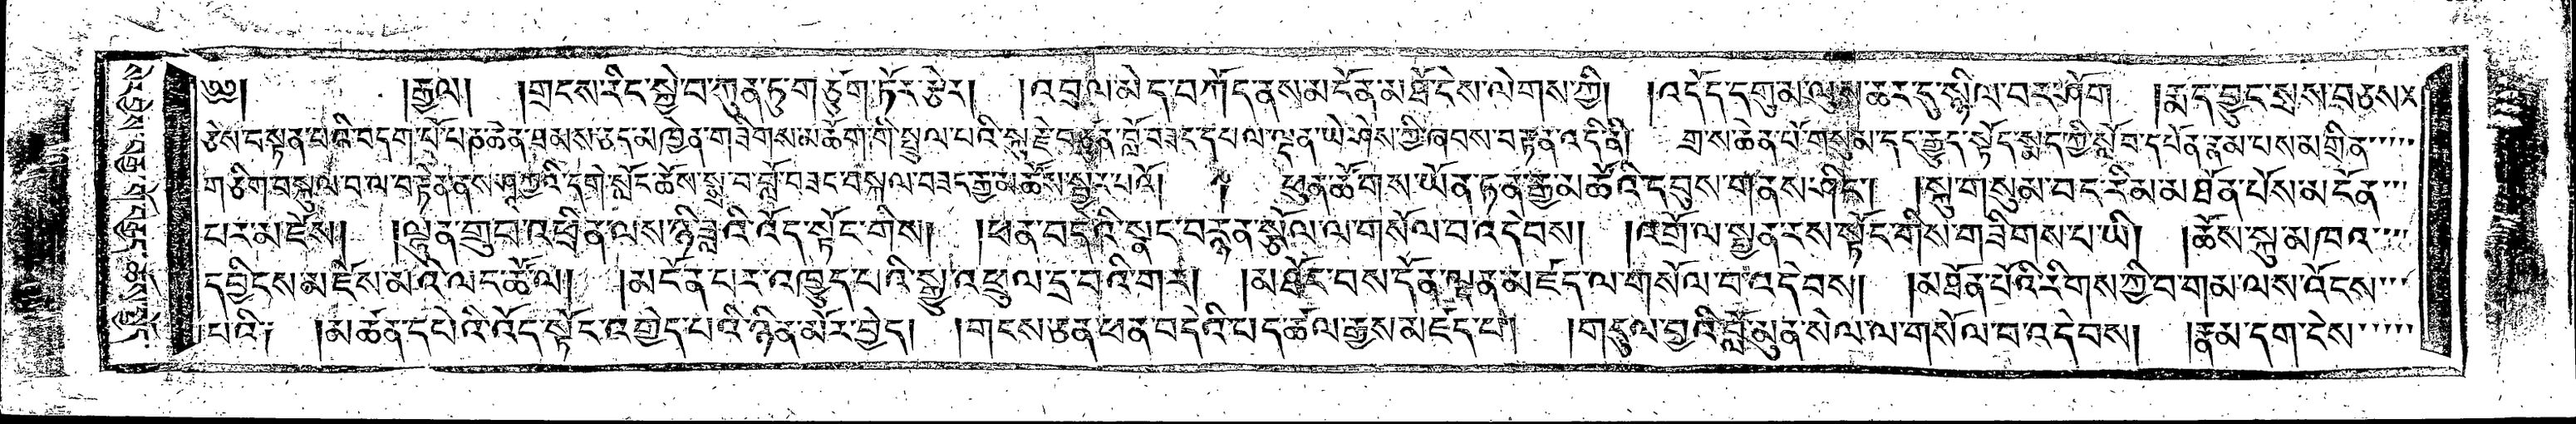༄༅། །རྒྱལ། །གྲངས་རིང་སྐྱེ་བ་ཀུན་ཏུ་གཙུག་ཏོར་རྩེར། །འབྲལ་མེད་བཀོད་ནས་མངོན་མཐོ་ངེས་ལེགས་ཀྱི། །འདོད་དགུ་མ་ལུས་ཆར་དུ་སྙིལ་བར་ཤོག །རྨད་བྱུང་སྲས་བཅས་{྾}
ཅེས་བསྟན་པའི་བདག་པོ་པཎ་ཆེན་ཐམས་ཅད་མཁྱེན་གཟིགས་མཆོག་གི་སྤྲུལ་པའི་སྐུ་རྗེ་བཙུན་བློ་བཟང་དཔལ་ལྡན་ཡེ་ཤེས་ཀྱི་ཞབས་བརྟན་འདི་ནི། གྲ་ས་ཆེན་པོ་གསུམ་དང་རྒྱུད་སྟོད་སྨད་ཀྱི་སློབ་དཔོན་རྣམ་པས་མགྲིན་
གཅིག་བསྐུལ་བ་ལ་བརྟེན་ནས་ཤཱ་ཀྱའི་དགེ་སློང་ཆོས་སྨྲ་བ་བློ་བཟང་བསྐལ་བཟང་རྒྱ་མཚོས་སྦྱར་བའོ། ༈ ཕུན་ཚོགས་ཡོན་ཏན་རྒྱ་མཚོའི་དབུས་གནས་ཤིང་། །སྐུ་གསུམ་བང་རིམ་མཐོན་པོས་མངོན་
པར་མཛེས། །ལྷུན་གྲུབ་འཕྲིན་ལས་ཉི་ཟླའི་འོད་སྟོང་གིས། །ཕན་བདེའི་སྣང་བརྙན་སྩོལ་ལ་གསོལ་བ་འདེབས། །འགྲོ་ལ་སྤྱན་རས་སྟོང་གིས་གཟིགས་པ་ཡི། །ཆོས་སྐུ་མཁའ་
དབྱིངས་མཛེས་མའི་ལང་ཚོ་ལ། །མངོན་པར་འཁྱུད་པའི་སྒྱུ་འཕྲུལ་དྲ་བའི་གར། །མཐོང་བས་དོན་ལྡན་མཛད་ལ་གསོལ་བ་འདེབས། །མཐོན་པོའི་རིགས་ཀྱི་བ་གམ་ལས་འོངས་
པའི། །མཚན་དཔེའི་འོད་སྟོང་འགྱེད་པའི་ཉིན་མོར་བྱེད། །གངས་ཅན་ཕན་བདེའི་པད་ཚལ་རྒྱས་མཛད་པ། །གདུལ་བྱའི་བློ་མུན་སེལ་ལ་གསོལ་བ་འདེབས། །རྣམ་དག་ངེས་